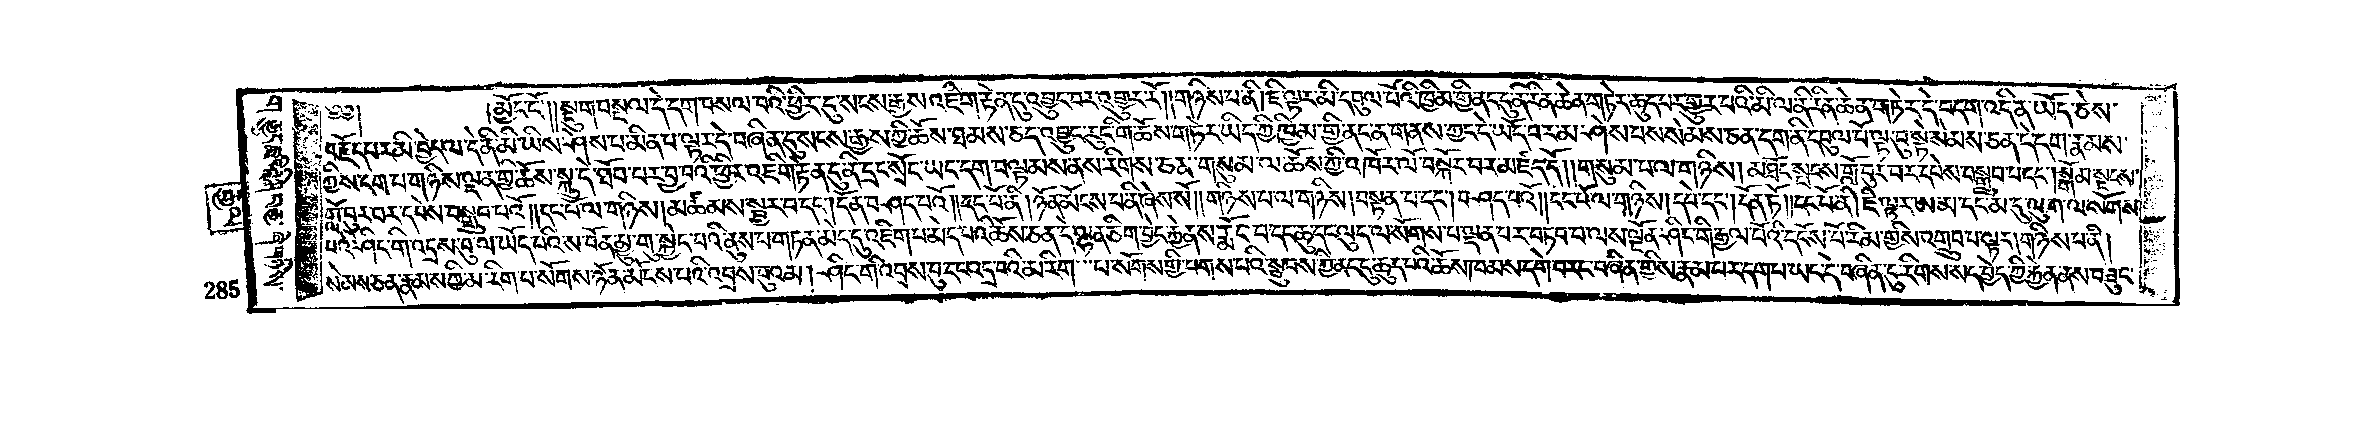༄༅། །མྱོང་ངོ། །སྡུག་བསྔལ་དེ་དག་བསལ་བའི་ཕྱིར་དུ་སངས་རྒྱས་འཇིག་རྟེན་དུ་འབྱུང་བར་འགྱུར་རོ། །གཉིས་པ་ནི། ཇི་ལྟར་མི་དབུལ་པོའི་ཁྱིམ་གྱི་ནང་དུ་ནི་རིན་ཆེན་གཏེར་ཆུད་པར་གྱུར་པའི་མི་ལ་ནི་རིན་ཆེན་གཏེར་དེ་བདག་འདི་ན་ཡོད་ཅེས་
བརྗོད་པར་མི་བྱེད་ལ་དེ་ནི་མི་ཡིས་ཤེས་པ་མིན་པ་ལྟར་དེ་བཞིན་དུ་སངས་རྒྱས་ཀྱི་ཆོས་ཐམས་ཅད་འབྱུང་རུང་གི་ཆོས་གཏེར་ཡིད་ཀྱི་ཁྱིམ་གྱི་ནང་ན་གནས་ཀྱང་དེ་ཡོད་པར་མ་ཤེས་པས་སེམས་ཅན་དག་ནི་དབུལ་པོ་ལྟ་བུ་སྟེ་སེམས་ཅན་དེ་དག་རྣམས་
ཀྱིས་དག་པ་གཉིས་ལྡན་གྱི་ཆོས་སྐུ་དེ་ཐོབ་པར་བྱ་བའི་ཕྱིར་འཇིག་རྟེན་དུ་ནི་དྲང་སྲོང་ཡང་དག་བལྟམས་ནས་རིགས་ཅན་གསུམ་ལ་ཆོས་ཀྱི་འཁོར་ལོ་བསྐོར་བར་མཛད་དོ། །གསུམ་པ་ལ་གཉིས། མཐོང་སྤངས་གློ་བུར་བར་དཔེས་བསྒྲུབ་པ་དང་། སྒོམ་སྤངས་
གློ་བུར་བར་དཔེས་བསྒྲུབ་པའོ། །དང་པོ་ལ་གཉིས། མཚམས་སྦྱར་བ་དང་། དོན་བཤད་པའོ། །དང་པོ་ནི། ཉོན་མོངས་པ་ནི་ཞེས་སོ། །གཉིས་པ་ལ་གཉིས། བསྟན་པ་དང་། བཤད་པའོ། །དང་པོ་ལ་གཉིས། དཔེ་དང་། དོན་ཏོ། །དང་པོ་ནི། ཇི་ལྟར་ཨ་མ་དང་མ་དུ་ལུག་ལ་སོགས་
པའི་ཤིང་གི་འདྲས་བུ་ལ་ཡོད་པའི་ས་བོན་མྱུ་གུ་སྐྱེད་པའི་ནུས་པ་གཏན་མེད་དུ་འཇིག་པ་མེད་པའི་ཆོས་ཅན་དེ་ལྷན་ཅིག་བྱེད་རྐྱེན་ས་རྨོང་བ་དང་ཆུ་དང་ལུད་ལ་སོགས་པ་ལྡན་པར་བཏབ་པ་ལས་ལྔོན་ཤིང་གི་རྒྱལ་པོའི་དངོས་པོ་རིམ་གྱིས་འགྲུབ་པ་ལྟར། གཉིས་པ་ནི།
སེམས་ཅན་རྣམས་ཀྱི་མ་རིག་པ་སོགས་ཉོན་མོངས་པའི་འབྲས་བུའམ། ཤིང་གི་འབྲས་བུ་དང་འདྲ་བའི་མ་རིག་པ་སོགས་ཀྱི་པགས་པའི་སྦུབས་ཀྱི་ནང་དུ་ཆུད་པའི་ཆོས་ཁམས་དགེ་བ་རང་བཞིན་གྱིས་རྣམ་པར་དག་པ་ཡང་དེ་བཞིན་དུ་རིགས་སད་བྱེད་ཀྱི་རྐྱེན་ནས་བཟུང་